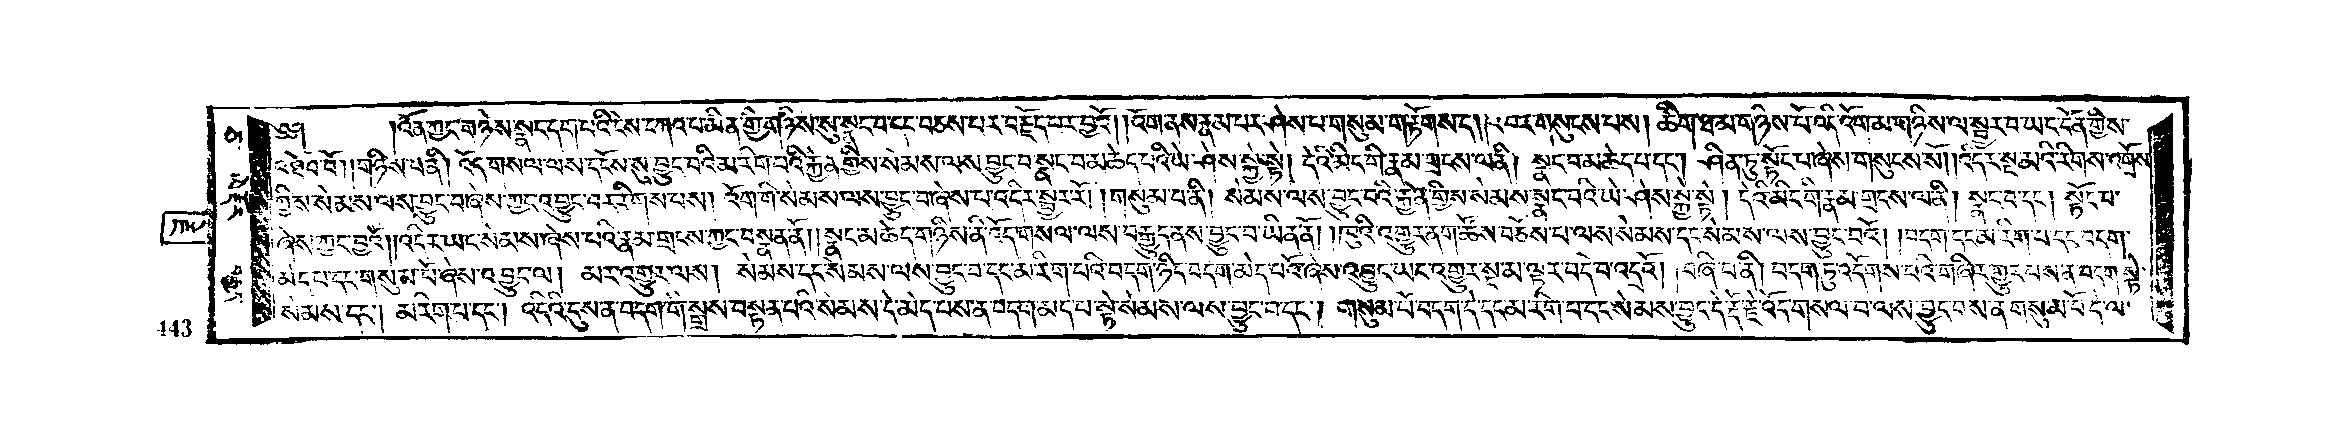༄༅། །འོན་ཀྱང་གཉིས་སྣང་དག་པའི་ངེས་དཀའ་བ་མིན་གྱི་གཉིས་སུ་སྣང་བ་དང་བཅས་པར་བརྗོད་པར་བྱའོ། །འོག་ནས་རྣམ་པར་ཤེས་པ་གསུམ་ག་རྟོགས་དཀའ་བར་གསུངས་པས། ཚིག་ཐ་མ་གཉིས་པོ་འདི་འོག་མ་གཉིས་ལ་སྦྱར་བ་ཡང་དོན་གྱིས་
འཐོབ་བོ། །གཉིས་པ་ནི། འོད་གསལ་ལས་དངོས་སུ་བྱུང་བའི་མ་རིག་པའི་རྐྱེན་གྱིས་སེམས་ལས་བྱུང་བ་སྣང་བ་མཆེད་པའི་ཡེ་ཤེས་སྐྱེ་སྟེ། དེའི་མིང་གི་རྣམ་གྲངས་ལ་ནི། སྣང་བ་མཆེད་པ་དང་། ཤིན་ཏུ་སྟོང་པ་ཞེས་གསུངས་སོ། །འདིར་སྔ་མའི་རིགས་འགྲོས་
ཀྱིས་སེམས་ལས་བྱུང་བ་ཞེས་ཀྱང་འབྱུང་བར་རིགས་པས། འོག་གི་སེམས་ལས་བྱུང་བ་ཞེས་པ་འདིར་སྦྱར་རོ། །གསུམ་པ་ནི། སེམས་ལས་བྱུང་བའི་རྐྱེན་གྱིས་སེམས་སྣང་བའི་ཡེ་ཤེས་སྐྱེ་སྟེ། དེའི་མིང་གི་རྣམ་གྲངས་ལ་ནི། སྣང་བ་དང་། སྟོང་པ་
ཞེས་ཀྱང་བྱའོ། །འདིར་ཡང་སེམས་ཞེས་པའི་རྣམ་གྲངས་ཀྱང་བསྣན་ནོ། །སྣང་མཆོད་གཉིས་ནི་འོད་གསལ་ལས་བརྒྱུད་ནས་བྱུང་བ་ཡིན་ནོ། །ཁུའི་འགྱུར་ནག་ཚོས་བཅོས་པ་ལས་སེམས་དང་སེམས་ལས་བྱུང་བའོ། །བདག་དང་མ་རིག་པ་དང་བདག་
མེད་པ་དང་གསུམ་པོ་ཞེས་འབྱུང་ལ། མར་འགྱུར་ལས། སེམས་དང་སེམས་ལས་བྱུང་བ་དང་མ་རིག་པའི་བདག་ཉིད་བདག་མེད་པའོ་ཞེས་འབྱུང་ཡང་འགྱུར་སྔ་མ་ལྟར་བདེ་བ་འདྲའོ། །བཞི་པ་ནི། བདག་ཏུ་འདོགས་པའི་གཞིར་གྱུར་པས་ན་བདག་སྟེ་
སེམས་དང་། མ་རིག་པ་དང་། འདིའི་དུས་ན་བདག་གི་སྒྲས་བསྟན་པའི་སེམས་དེ་མེད་པས་ན་བདག་མེད་པ་སྟེ་སེམས་ལས་བྱུང་བ་དང་། གསུམ་པོ་བདག་དེ་དང་མ་རིག་པ་དང་སེམས་བྱུང་དེ་རྡོ་རྗེ་འོད་གསལ་བ་ལས་བྱུང་བས་ན་གསུམ་པོ་དེ་ལ་